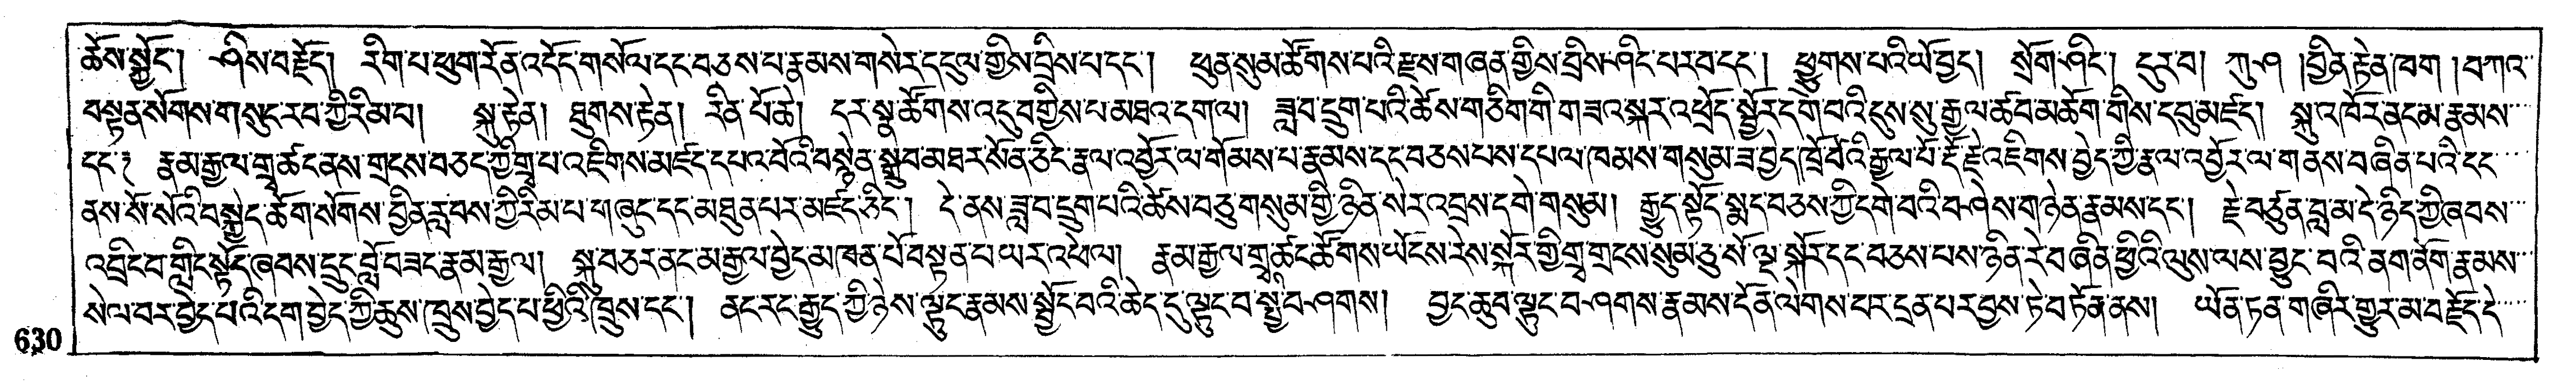ཆོས་སྐྱོང་། ཤིས་བརྗོད། རིག་པ་ཕུག་རོན་འདོད་གསོལ་དང་བཅས་པ་རྣམས་གསེར་དངུལ་གྱིས་བྲིས་པ་དང་། ཕུན་སུམ་ཚོགས་པའི་རྫས་གཞན་གྱིས་བྲིས་ཤིང་པར་བ་དང་། བྱུགས་པའི་ཡོ་བྱད། སྲོག་ཤིང་། དུར་བ། ཀུ་ཤ་།བྱིན་རྟེན་ཁག །བཀའ་
བསྟན་སོགས་གསུང་རབ་ཀྱི་རིམ་པ། སྐུ་རྟེན། ཐུགས་རྟེན། རིན་པོ་ཆེ། དར་སྣ་ཚོགས་འདུ་བགྱིས་པ་མཐའ་དག་ལ། ཟླ་བ་དྲུག་པའི་ཚེས་གཅིག་གི་གཟའ་སྐར་འཕྲོད་སྦྱོར་དགེ་བའི་དུས་སུ་རྒྱལ་ཚབ་མཆོག་གིས་དབུ་མཛད། སྐུ་འཁོར་ནང་མ་རྣམས་
དང༑ རྣམ་རྒྱལ་གྲྭ་ཚང་ནས་གྲངས་བཅད་ཀྱི་གྲྭ་པ་འཇིགས་མཛད་དཔའ་བོའི་བསྙེན་སྒྲུབ་མཐར་སོན་ཅིང་རྣལ་འབྱོར་ལ་གོམས་པ་རྣམས་དང་བཅས་པས་དཔལ་ཁམས་གསུམ་ཟ་བྱེད་ཁྲོ་བོའི་རྒྱལ་པོ་རྡོ་རྗེ་འཇིགས་བྱེད་ཀྱི་རྣལ་འབྱོར་ལ་གནས་བཞིན་པའི་ངང་
ནས་སོ་སོའི་བསྐྱེད་ཆོག་སོགས་བྱིན་རླབས་ཀྱི་རིམ་པ་གཞུང་དང་མཐུན་པར་མཛད་ཅིང་། དེ་ནས་ཟླ་བ་དྲུག་པའི་ཚེས་བཅུ་གསུམ་གྱི་ཉིན་སེར་འབྲས་དགེ་གསུམ། རྒྱུད་སྟོད་སྨད་བཅས་ཀྱི་དགེ་བའི་བཤེས་གཉེན་རྣམས་དང་། རྗེ་བཙུན་བླ་མ་དེ་ཉིད་ཀྱི་ཞབས་
འབྲིང་པ་གླིང་སྟོད་ཞབས་དྲུང་བློ་བཟང་རྣམ་རྒྱལ། སྐུ་བཅར་ནང་མ་རྒྱལ་བྱེད་མཁན་པོ་བསྟན་པ་ཡར་འཕེལ། རྣམ་རྒྱལ་གྲྭ་ཚང་ཚོགས་ཡོངས་རེས་སྐོར་གྱི་གྲྭ་གྲངས་སུམ་ཅུ་སོ་ལྔ་སྐོར་དང་བཅས་པས་ཉིན་རེ་བཞིན་ཕྱིའི་ལུས་ལས་བྱུང་བའི་ནག་ནོག་རྣམས་
སེལ་བར་བྱེད་པའི་དག་བྱེད་ཀྱི་ཆུས་ཁྲུས་བྱེད་པ་ཕྱིའི་ཁྲུས་དང་། ནང་རང་རྒྱུད་ཀྱི་ཉེས་ལྟུང་རྣམས་སྦྱོང་བའི་ཆེད་དུ་ལྟུང་བ་སྤྱི་བཤགས། བྱང་ཆུབ་ལྟུང་བཤགས་རྣམས་དོན་ལེགས་པར་དྲན་པར་བྱས་ཏེ་བཏོན་ནས། ཡོན་ཏན་གཞིར་གྱུར་མ་བརྗོད་དེ་